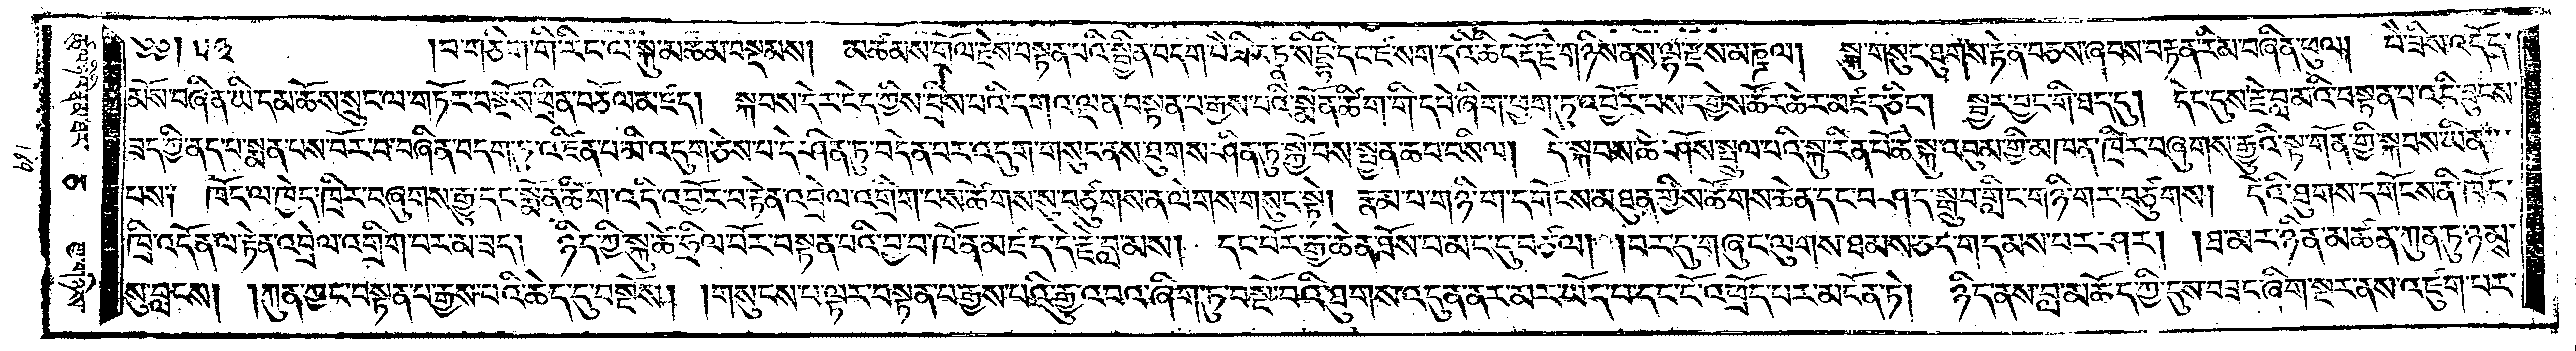༄༅། ༥༣་།བ་གཅིག་གི་རིང་ལ་སྐུ་མཚམ་བསྔམས། མཚམས་གྲོལ་རྗེས་བསྟན་པའི་སྦྱིན་བདག་པཻ་ཟིར་ཏན་སིདྡྷི་དང་ཛ་སག་དའི་ཆིང་རྡོ་རྗེ་གཉིས་ནས་ལྟ་རྫས་མཎྜལ། སྐུ་གསུང་ཐུགས་རྟེན་བཅས་ཞབས་བརྟན་རིམ་བཞིན་ཕུལ། བཻ་ཟིས་འདོད་
མོས་བཞིན་ཡི་དམ་ཆོས་སྲུང་ལ་གཏོར་བསྔོས་ཕྲིན་བཅོལ་མཛད། སྐབས་དེར་ངེད་ཀྱིས་བྲིས་པའི་དགའ་ལྡན་བསྟན་པ་རྒྱས་པའི་སྨོན་ཚིག་གི་དཔེ་ཞིག་ཕྱག་ཏུ་འབྱོར་བས་དགྱེས་ཚོར་ཆེར་མཛད་ཅིང་། སྦྱར་བྱང་གི་ཐད་དུ། དེང་དུས་རྗེ་བླ་མའི་བསྟན་པ་འདི་ཟུངས་
ཟད་ཀྱི་ནད་བ་སྨན་པས་བོར་བ་བཞིན་བདག་ཏུ་འཛིན་པ་མི་འདུག་ཅེས་པ་དེ་ཤིན་ཏུ་བདེན་པར་འདུག་གསུང་ནས་ཐུགས་ཤིན་ཏུ་སྐྱོ་བས་སྤྱན་ཆབ་བསིལ། དེ་སྐབས་ཆེ་ཤོས་སྤྲུལ་པའི་སྐུ་རིན་པོ་ཆེ་སྐུ་འབུམ་གྱི་མཁན་ཁྲིར་བཞུགས་རྒྱུའི་སྟ་གོན་གྱི་སྐབས་ཡིན་
པས༑ ཁོང་ལ་ཁྱེད་ཁྲིར་བཞུགས་རྒྱུ་དང་སྨོན་ཚིག་འདི་འབྱོར་བ་རྟེན་འབྲེལ་འགྲིག་པས་ཚེགས་སུ་བཙུགས་ན་ལེགས་གསུང་སྟེ། རྣམ་པ་གཉི་ག་དགོངས་མཐུན་གྱིས་ཚོགས་ཆེན་དང་བཤད་སྒྲུབ་གླིང་གཉི་གར་བཙུགས། དེའི་ཐུགས་དགོངས་ནི་ཁོང་
ཁྲི་འདོན་ལ་རྟེན་འབྲེལ་འགྲིག་པར་མཛད། ཉིད་ཀྱི་སྐུ་ཚེ་ཧྲིལ་པོར་བསྟན་པའི་བྱ་བ་ཁོ་ན་མཛད་དེ་རྗེ་བླ་མས། དང་བོར་རྒྱ་ཆེན་ཐོས་པ་མང་དུ་བཙལ། །བར་དུ་གཞུང་ལུགས་ཐམས་ཅད་གདམས་པར་ཤར། །ཐ་མར་ཉིན་མཚན་ཀུན་ཏུ་ཉམས་
སུ་བླངས། །ཀུན་ཀྱང་བསྟན་པ་རྒྱས་པའི་ཆེད་དུ་བསྔོས། །གསུངས་པ་ལྟར་བསྟན་བ་རྒྱས་པའི་རྒྱུ་འབའ་ཞིག་ཏུ་བསྔོ་བའི་ཐུགས་འདུན་ནར་མར་ཡོད་པ་དང་ངོ་འཕྲོད་པར་མངོན་ཏེ། ཉིད་ནས་བླ་མཆོད་ཀྱི་དུས་བཟང་ཞིག་སྔར་ནས་འཛུག་པར་